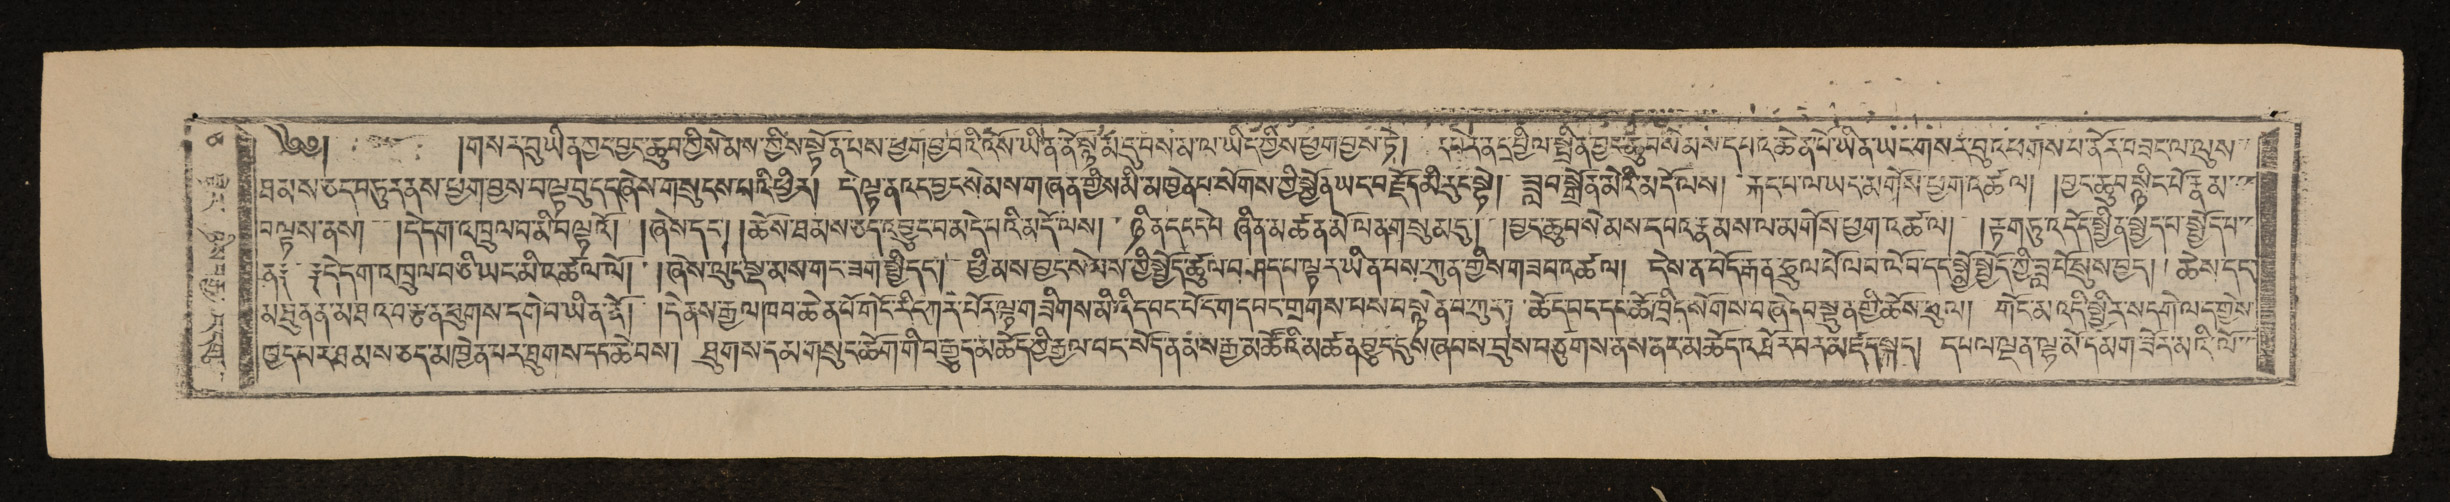༄༅། །གསར་བུ་ཡིན་ཀྱང་བྱང་ཆུབ་ཀྱི་སེམས་ཀྱིས་སྟོན་པས་ཕྱག་བྱ་བའི་འོས་ཡིན་ནོ་སྙམ་དུ་བསམ་ལ་ཡིད་ཀྱིས་ཕྱག་བྱས་ཏེ། དཔེར་ན་དྲ་བྱི་ལ་སྤྲིན་བྱང་ཆུབ་སེམས་དཔའ་ཆེན་པོ་ཡིན་ཡང་གསར་བུ་འཕགས་པ་ནོར་བཟང་ལ་ལུས་
ཐམས་ཅད་བཏུང་ནས་ཕྱག་བྱས་པ་ལྟ་བུ་དང་ཞེས་གསུངས་པའི་ཕྱིར། དེ་ལྟ་ནའང་བྱང་སེམས་གཞན་གྱིས་མི་མཁྱེན་པ་སོགས་ཀྱི་སྐྱོན་ཡང་བརྗོད་མི་རུང་སྟེ། ཟླ་བ་སྒྲོན་མེའི་མདོ་ལས། རྐང་བ་ལ་ཡང་མགོས་ཕྱག་འཚལ། །བྱང་ཆུབ་སྙིང་པོ་རྣམ་
བལྟས་ནས། །དེ་དག་འཁྲུལ་བ་མི་བལྟའོ། །ཞེས་དང་། ཆོས་ཐམས་ཅད་འབྱུང་བ་མེད་པའི་མདོ་ལས། ཉིན་དང་དེ་བཞིན་མཚན་མོ་ལན་གསུམ་དུ། །བྱང་ཆུབ་སེམས་དཔའ་རྣམས་ལ་མགོས་ཕྱག་འཚལ། །རྟག་ཏུ་འདོད་སྦྱིན་སྤྱད་པ་སྤྱོད་པ་
ན༑ ༑དེ་དག་འཁྲུལ་བ་ཅི་ཡང་མི་འཚལ་ལོ། །ཞེས་ལུང་སྔ་མས་གང་ཟག་སྤྱི་དང་། ཕྱི་མས་བྱང་སེམས་ཀྱི་སྤྱོད་ཚུལ་བཤད་པ་ལྟར་ཡིན་པས་ཀུན་གྱིས་གཟབ་འཚལ། དེས་ན་བོད་རྒན་ཧྲུལ་བོ་ལབ་ལོབ་དང་སྨྱོ་སྤྱོད་ཀྱི་ཟླ་བོ་སུས་བྱེད། ཆོས་དང་
མཐུན་ན་མཐའ་བརྩན་ཕུགས་དགེ་བ་ཡིན་ནོ། །དེ་ནས་རྒྱལ་ཁབ་ཆེན་པོ་གོང་རི་དཀར་པོར་ལྷ་གཟིགས་མིའི་དབང་པོ་ངག་དབང་གྲགས་པས་བསྙེན་བཀུར། ཚེ་དབང་དང་ཚེ་ཁྲིད་སོགས་བཞེད་བསྟུན་གྱི་ཆོས་ཕུལ། གོང་མ་འདི་སྤྱིར་ས་དགེ་ལ་དགྱེས།
ཁྱད་པར་ཐམས་ཅད་མཁྱེན་པར་ཐུགས་དད་ཆེ་བས། ཐུགས་དམ་གསུང་ཆོག་གི་བརྒྱུད་མཆོད་ཀྱི་རྒྱལ་བ་བསོད་ནམས་རྒྱ་མཚོའི་མཚན་བྱུང་དུས་ཞབས་པུས་བཙུགས་ནས་ནང་མཆོད་འཐོར་བར་མཛད་སྐད། དཔལ་ལྡན་ལྷ་མོ་དམག་ཟོར་མའི་ལོ་